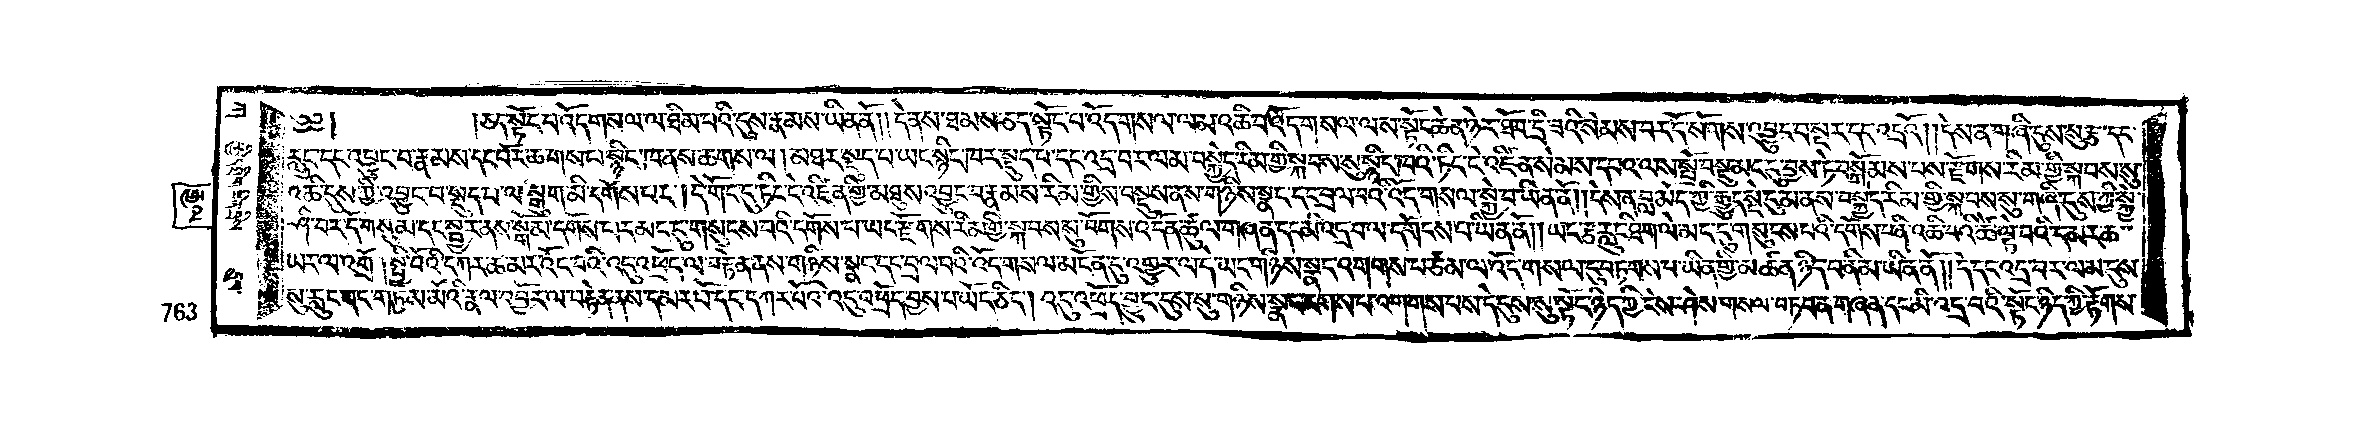༄༅། །ཅད་སྟོང་པ་འོད་གསལ་ལ་ཐིམ་པའི་དུས་རྣམས་ཡིན་ནོ། །དེ་ནས་ཐམས་ཅད་སྟོང་པ་འོད་གསལ་ལམ་འཆི་བ་འོད་གསལ་ལས་སྟོང་ཆེན་ཉེར་ཐོབ་དྲི་ཟའི་སེམས་བར་དོ་སོགས་འབྱུང་བ་སྔར་དང་འདྲའོ། །དེས་ན་གཞི་དུས་སུ་རྩ་དང་
རླུང་དང་འབྱུང་བ་རྣམས་དང་པོར་ཆགས་པ་སྙིང་ཁ་ནས་ཆགས་ལ། མཐར་སྡུད་པ་ཡང་སྙིང་ཁར་སྡུད་པ་དང་འདྲ་བར་ལམ་བསྐྱེད་རིམ་གྱི་སྐབས་སུ་སྙིང་ཁའི་ཏིང་ངེ་འཛིན་སེམས་དཔའ་ལས་སྤྲོ་བསྡུ་མང་དུ་བྱས་ཏེ་བསྒོམས་པས་རྫོགས་རིམ་གྱི་སྐབས་སུ་
འཆི་དུས་ཀྱི་འབྱུང་བ་སྡུད་པ་ལ་སྒུག་མི་དགོས་པར། དེ་གོང་དུ་ཏིང་ངེ་འཛིན་གྱི་མཐུས་འབྱུང་བ་རྣམས་རིམ་གྱིས་བསྡུས་ནས་གཉིས་སྣང་དང་བྲལ་བའི་འོད་གསལ་སྐྱེ་བ་ཡིན་ནོ། །དེས་ན་བླ་མོད་ཀྱི་རྒྱུད་སྡེ་དུ་མ་ནས་བསྐྱེད་རིམ་གྱི་སྐབས་སུ་གཞི་དུས་ཀྱི་སྐྱེ་
ཤི་བར་དོ་གསུམ་དང་སྦྱར་ནས་སྒོམ་དགོས་པར་མང་དུ་གསུངས་པའི་དགོས་པ་ཡང་རྫོགས་རིམ་གྱི་སྐབས་སུ་བོགས་འདོན་ཚུལ་གཞན་དང་མི་འདྲ་བ་ལ་དགོངས་པ་ཡིན་ནོ། །ཡང་རྩ་རླུང་ཐིག་ལེ་མང་དུ་གསུངས་པའི་དགོས་པ་ནི་འཆི་བའི་ཚེ་ལྟེ་བའི་དམར་ཆ་
ཡར་ལ་འགྲོ་།སྤྱི་བོའི་དཀར་ཆ་མར་འོང་བའི་འདུ་འཕྲོད་ལ་བརྟེན་ནས་གཉིས་སྣང་དང་བྲལ་བའི་འོད་གསལ་མངོན་དུ་འགྱུར་ལ་དེ་ཡང་གཉིས་སྣང་འགགས་པ་ཙམ་ལ་འོད་གསལ་དུ་བཏགས་པ་ཡིན་གྱི་མཚན་ཉིད་བ་ནི་མ་ཡིན་ནོ། །དེ་དང་འདྲ་བར་ལམ་དུས་
སུ་རླུང་གང་གཏུམ་མོའི་རྣལ་འབྱོར་ལ་བརྟེན་ནས་དམར་པོ་དང་དཀར་པོའི་འདུ་འཕྲོད་བྱས་པ་ཡོད་ཅིང་། འདུ་འཕྲོད་བྱུང་དུས་སུ་གཉིས་སྣང་རགས་པ་འགགས་པས་དེ་དུས་སུ་སྟོང་ཉིད་ཀྱི་ངེས་ཤེས་གསལ་བཏབ་ན་གཞན་དང་མི་འདྲ་བའི་སྟོང་ཉིད་ཀྱི་རྟོགས་